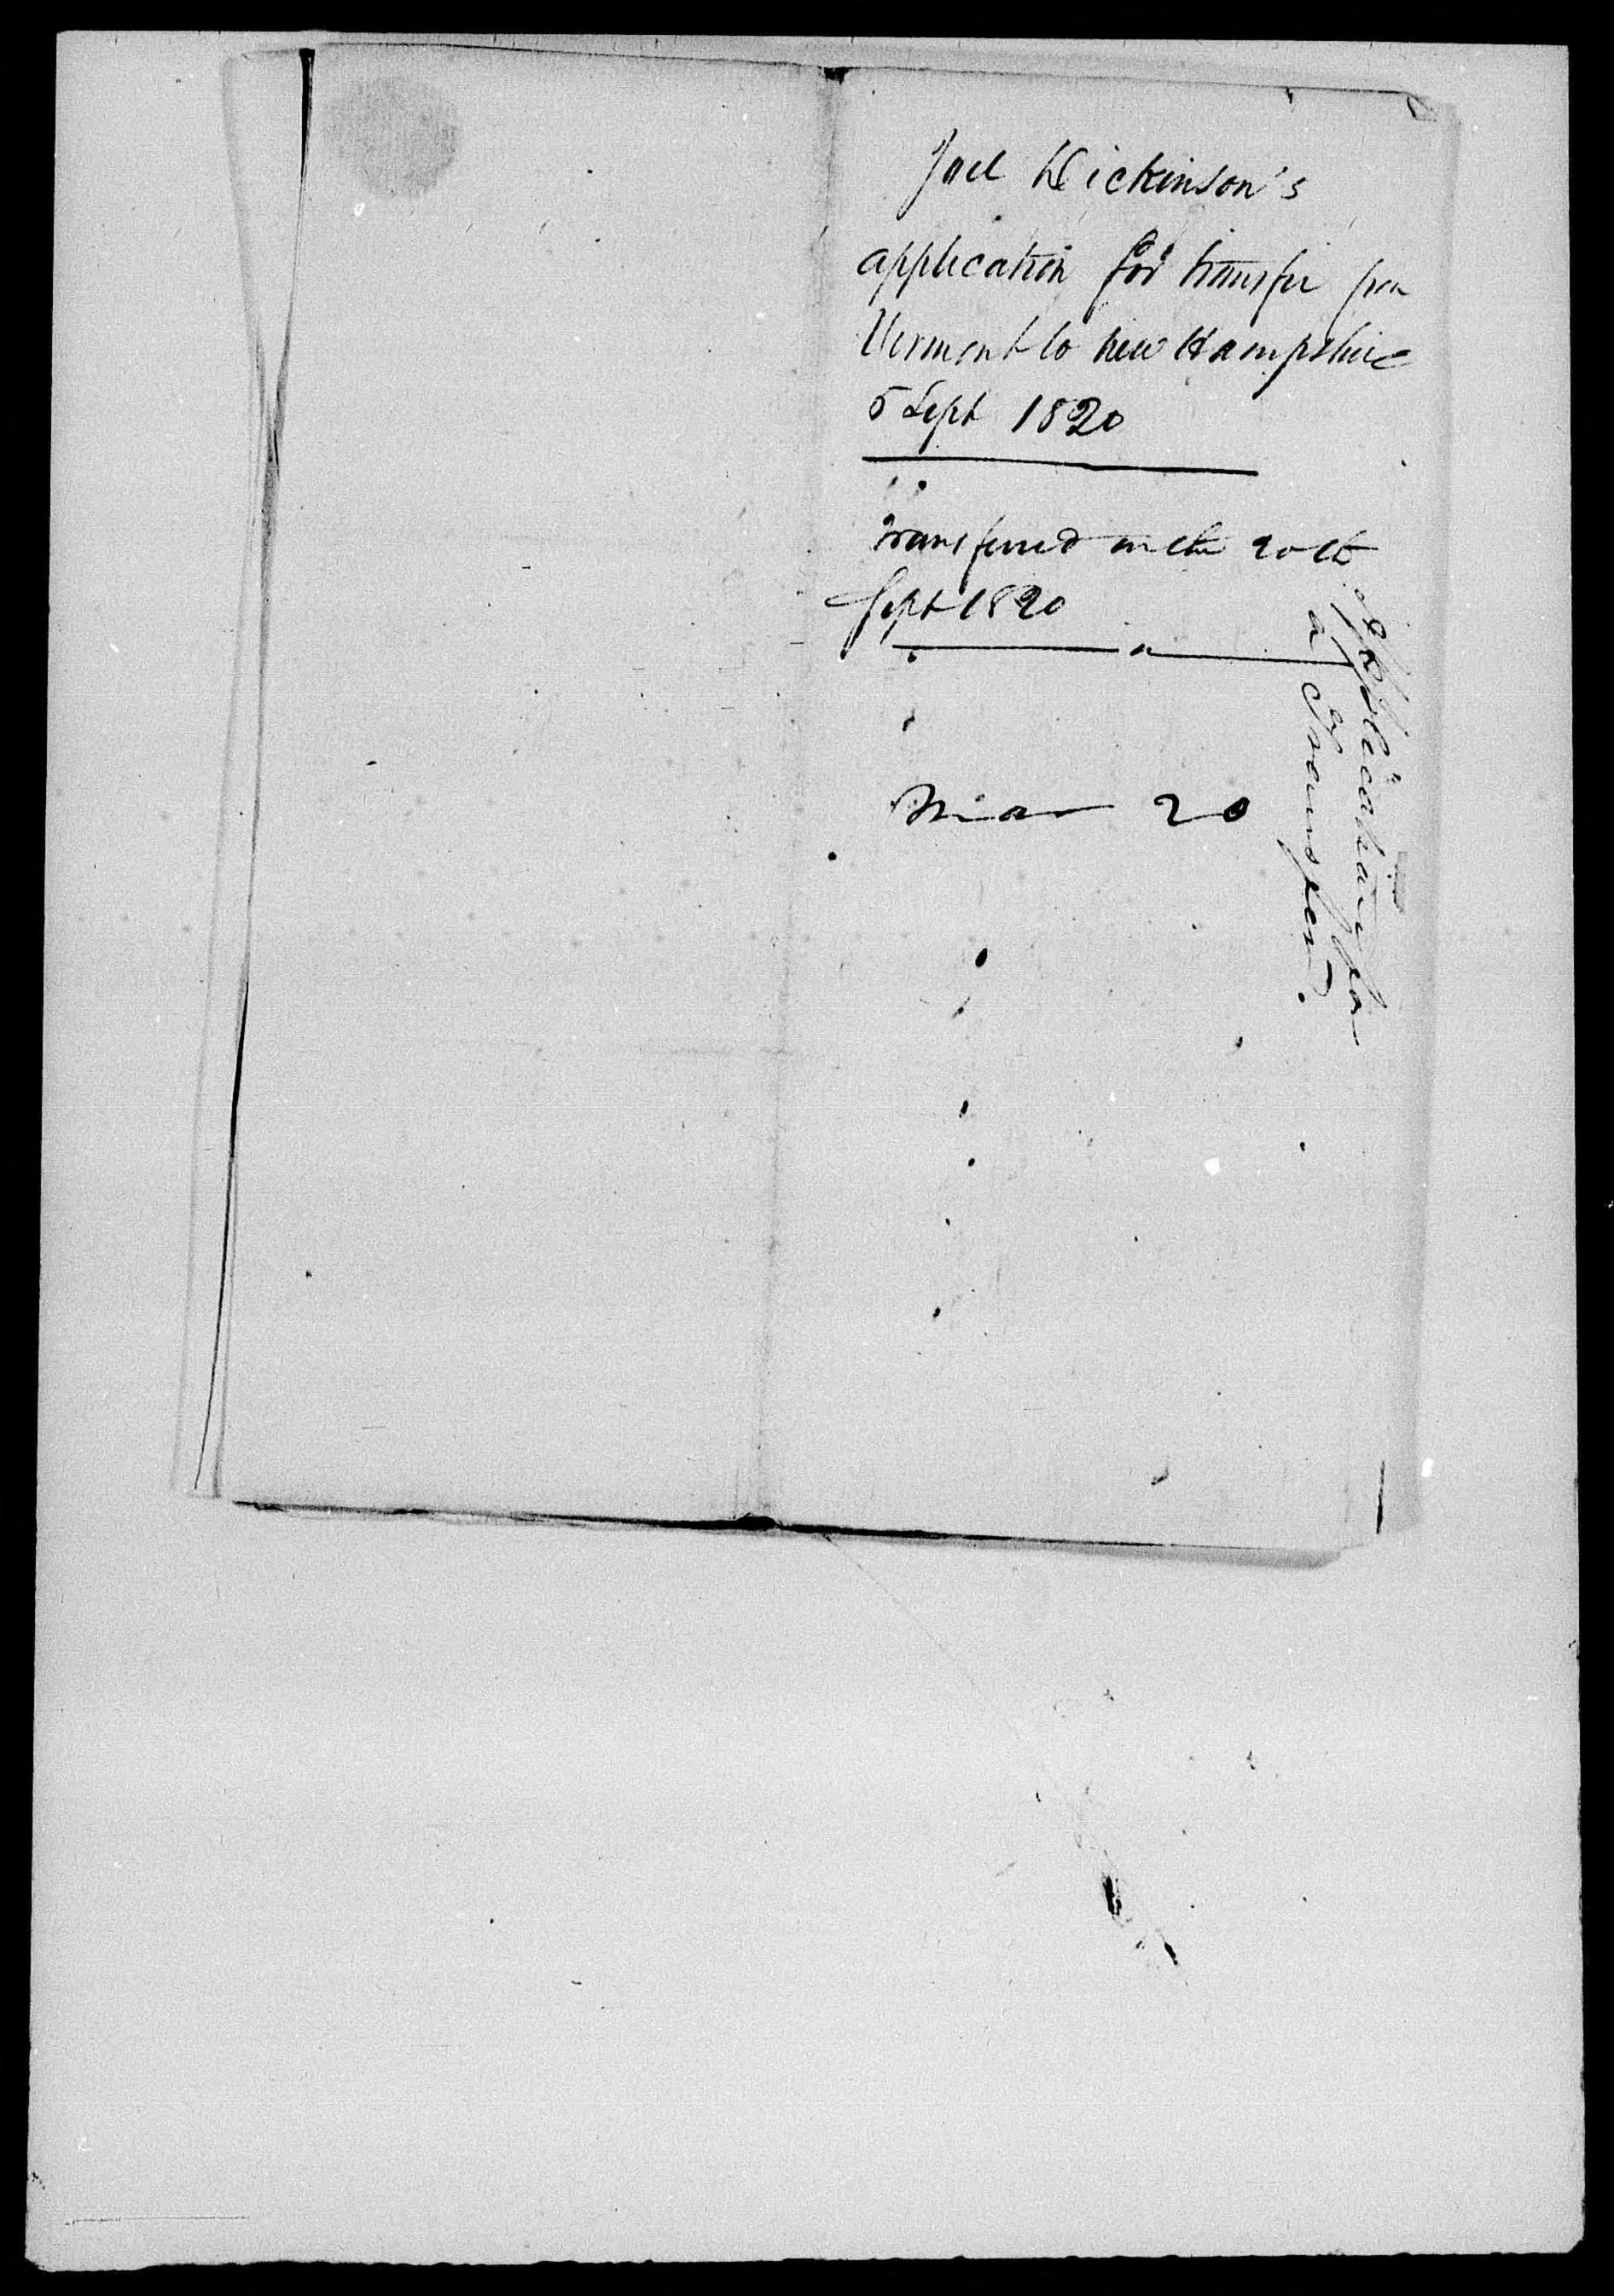Joel Dickinson's 
application for transfer per
Vermont to New Hampshire
5 Sept 1820
_______________
Transferred with both
Sept 1820
_______________
[illegible] 20

Application for
a Transfer.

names: Joel Dickinson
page: 15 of 31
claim: widow's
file: W. 22946, Joel Dickinson, Mass.